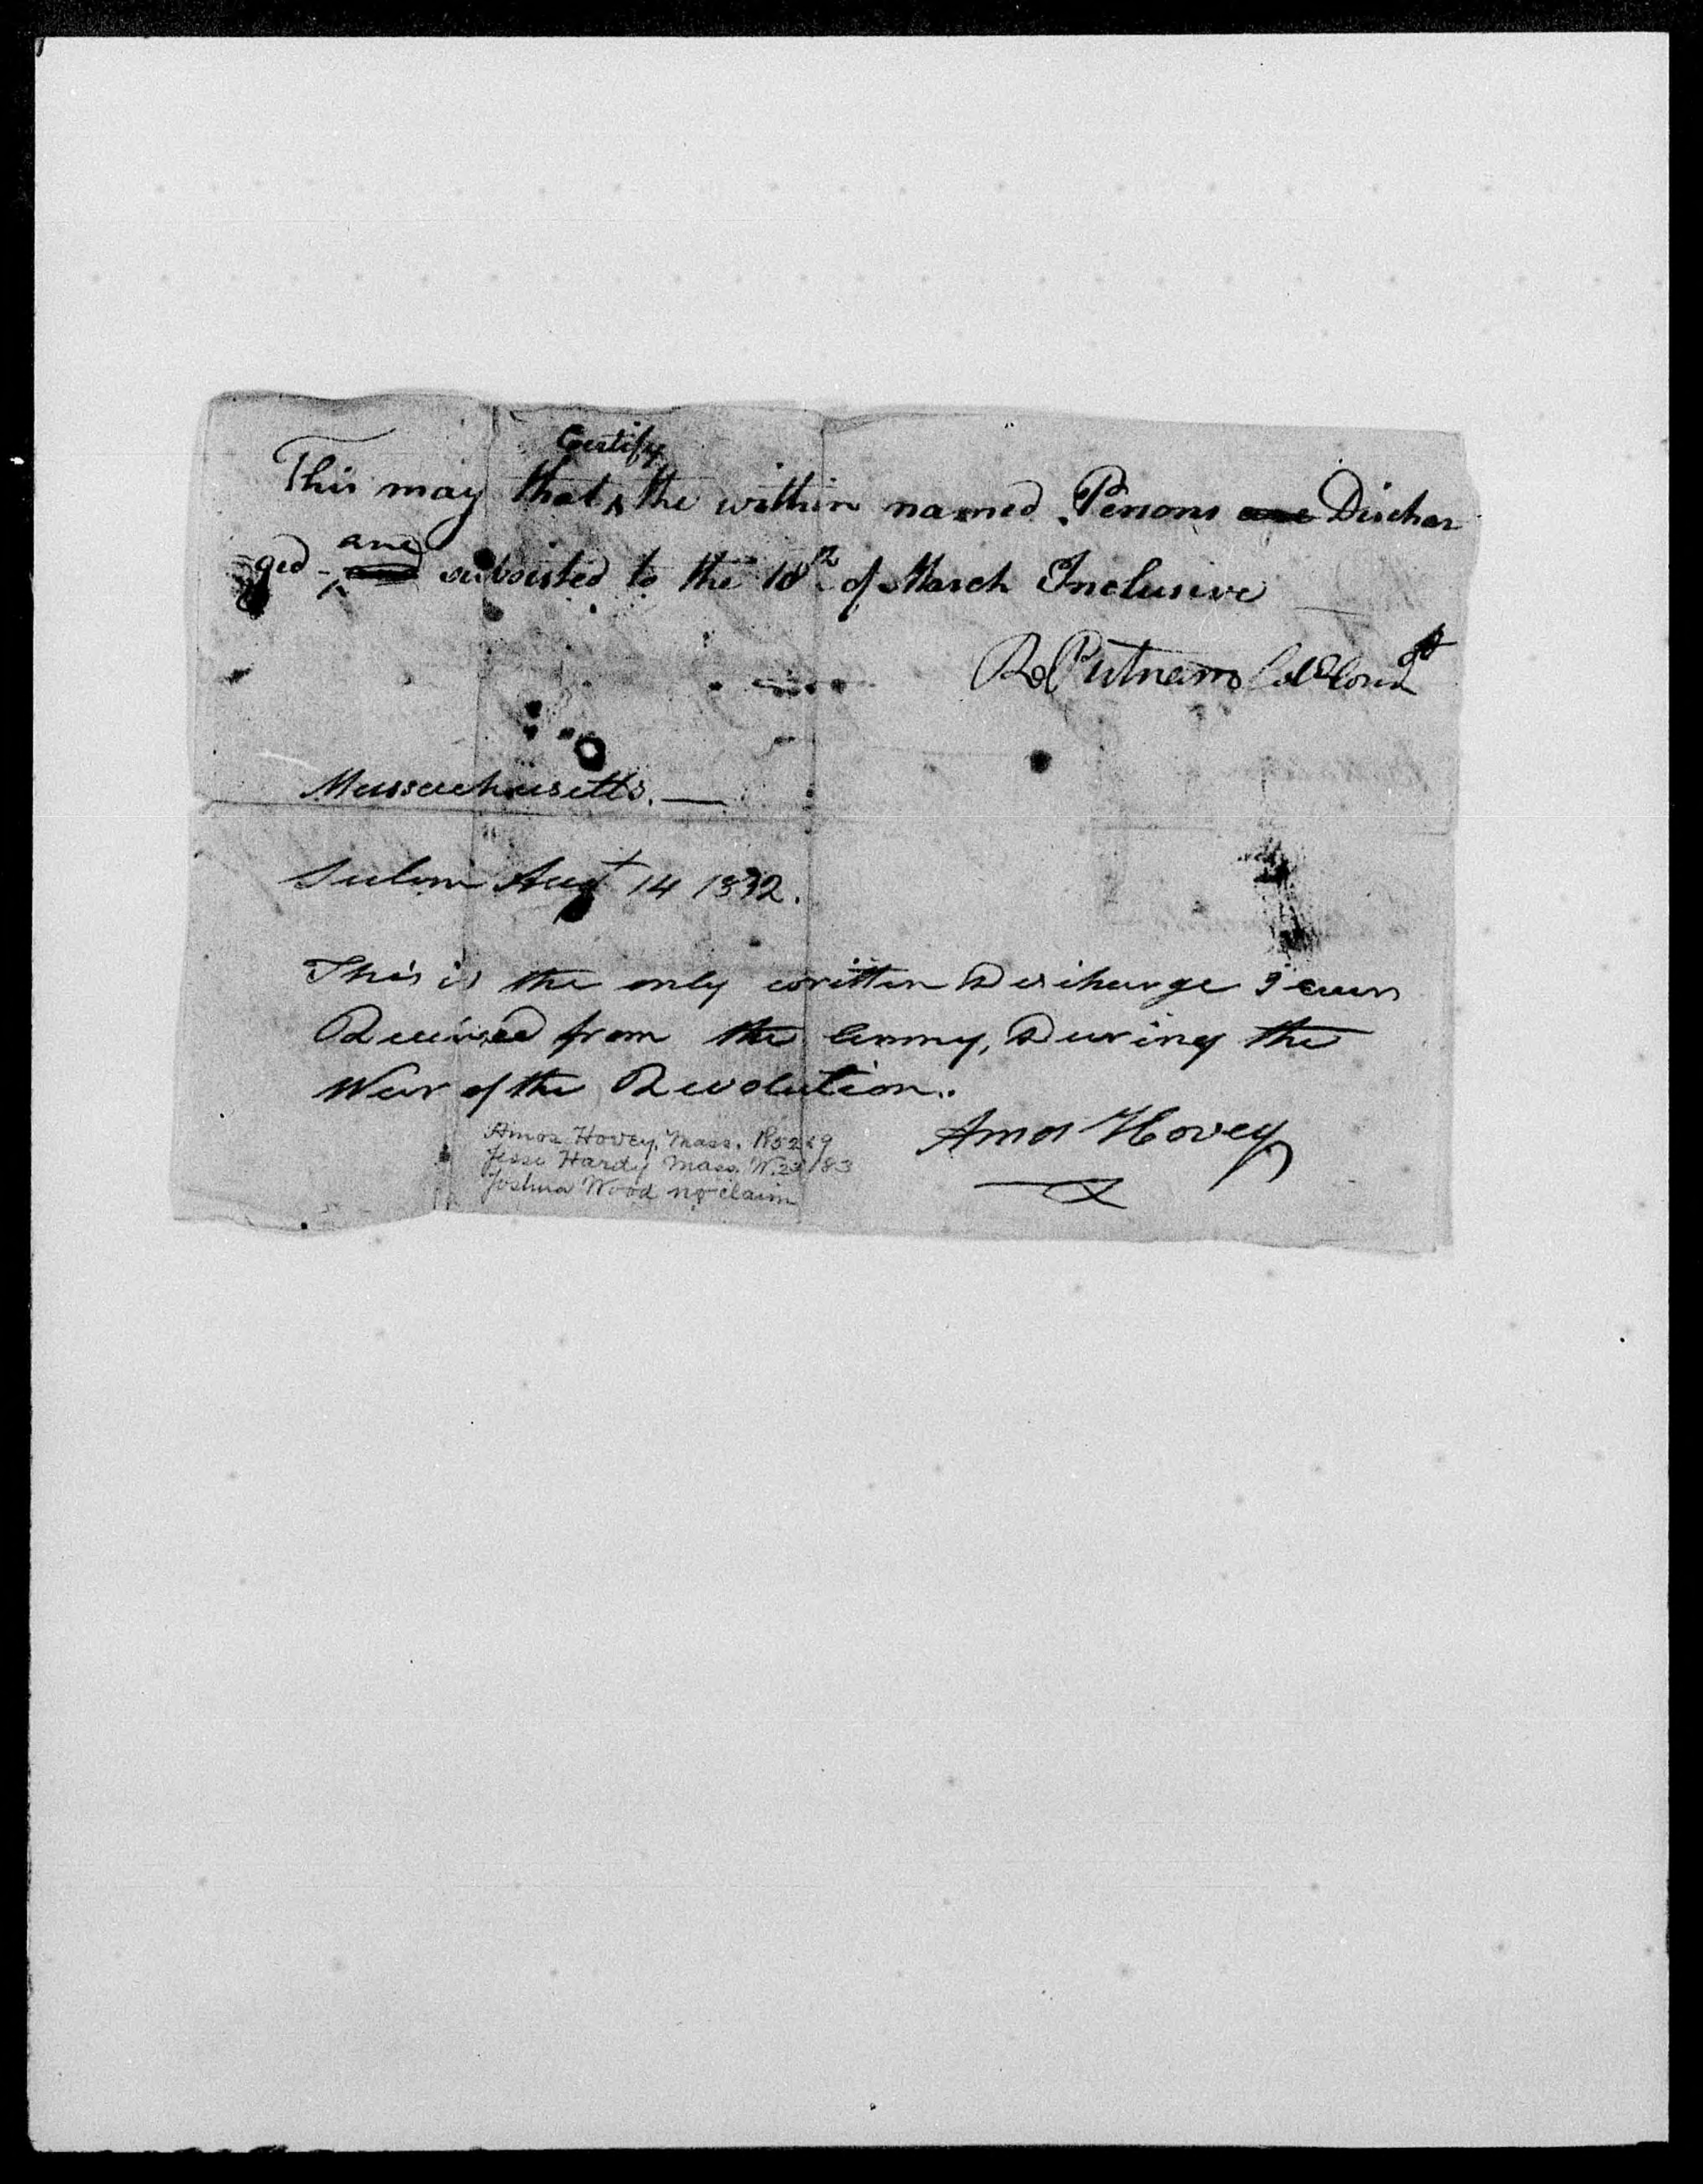This may certify that the within named Persons Discharged enlisted to the 10th of March Inclusive
R Putnam Col
Massachusetts
Augt 14 1832 This is the only is given discharge given  
Received from the Army during the War of the Revolution. Amos Hovey
Amos Honey, Mass No 5289
Jesse Hardy Mass W. 23183
Joshua Wood, no claim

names: Amos Hovey, Jesse Hardy, R Putnam, Joshua Wood, Amos Hovey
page: 23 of 67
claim: widow's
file: W. 23183, Jesse Hardy, Mass.